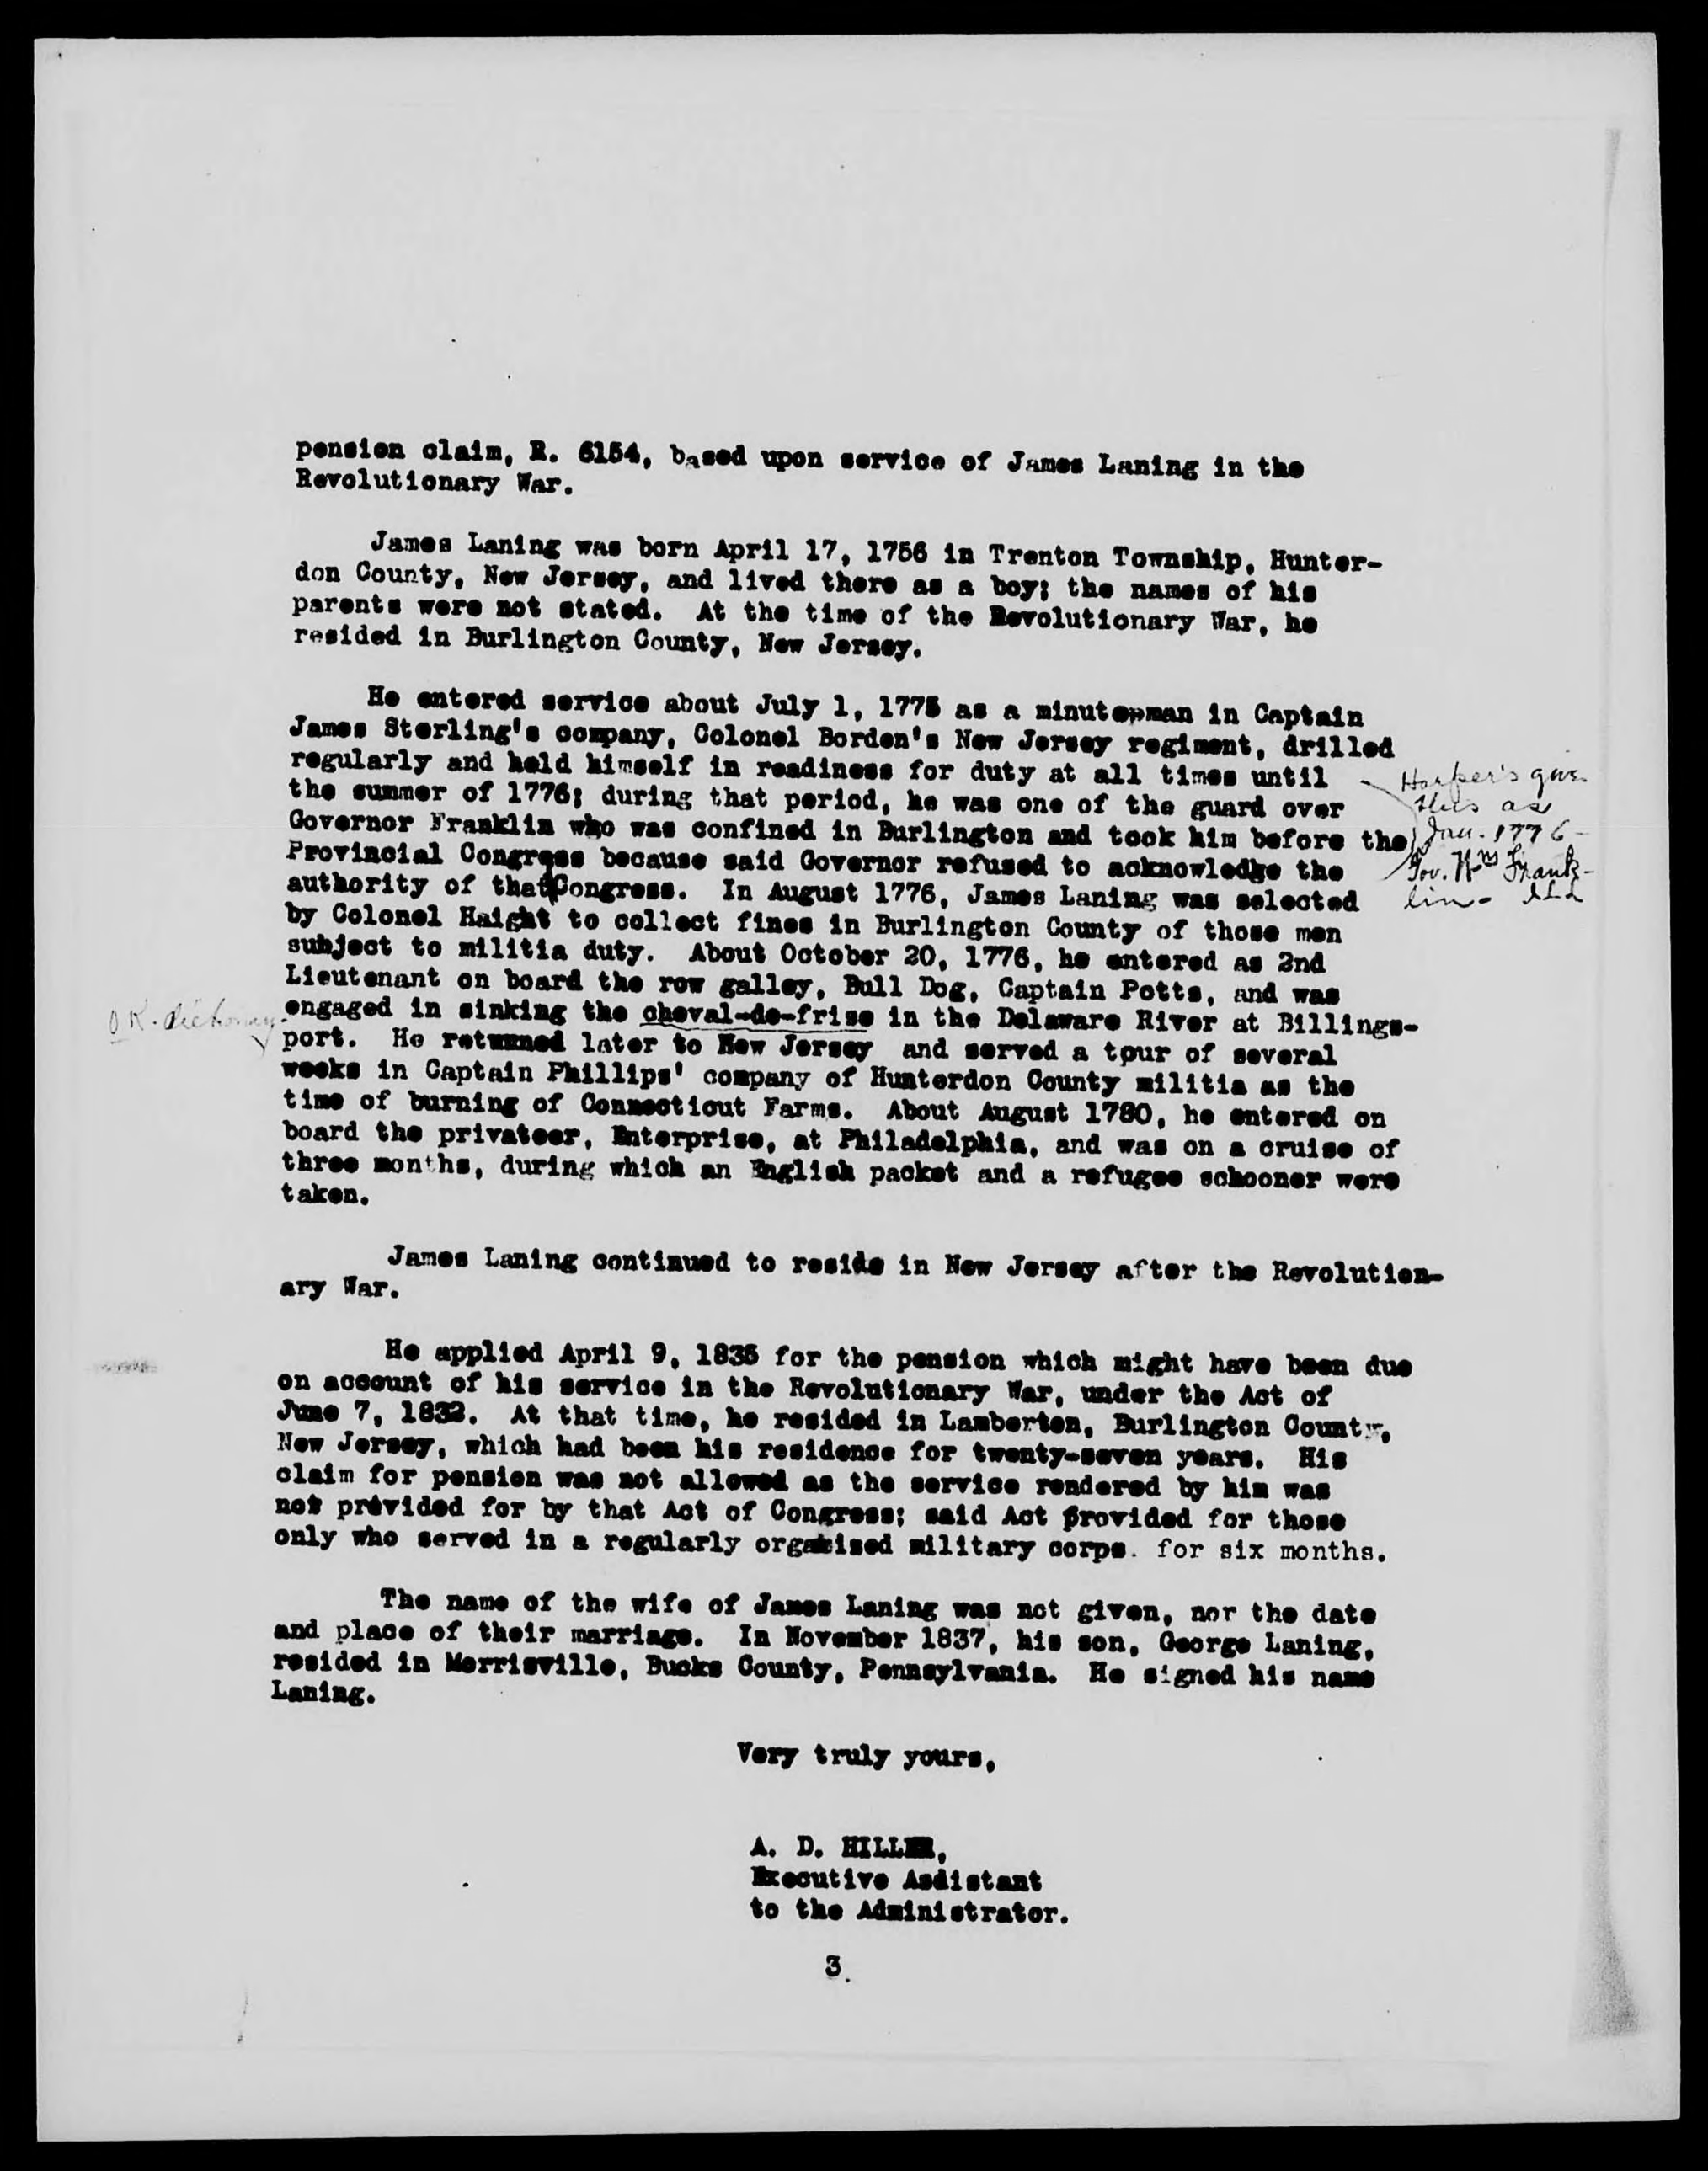pension claim, R. 6154, based upon service of James Laning in the Revolutionary War.

James Laning was born April 17, 1756 in Trenton Township, Hunterdon County, New Jersey, and lived there as a boy; the names of his parents were not stated. At the time of the Revolutionary War, he resided in Burlington County, New Jersey.

He entered service about July 1, 1775 as a minute man in Captain James Sterling's company, Colonel Borden's New Jersey regiment, drilled regularly and held himself in readiness for duty at all times until the summer of 1776; during that period, he was one of the guard over Governor Franklin who was confined in Burlington and took him before the 
Provincial Congress because said Governor refused to acknowledge the authority of that Congress. (Harper's give this as Jan. 1776- Gov. Wm.. Franklin ILL). In August 1776, James Laning was selected by Colonel Haight to collect fines in Burlington County of those men
subject to militia duty. About October 20, 1776, he entered as 2nd Lieutenant on board the row galley, Bull Dog, Captain Potts, and was
engaged in sinking the cheval-de-frise in the Delaware River at Billingsport. He returned later to New Jersey and served a tour of several
weeks in Captain Phillips' company of Hunterdon County militia as the time of burning of Connecticut Farms. About August 1780, he entered on board the privateer, Enterprise, at Philadelphia, and was on a cruise of three months, during which an English packet and a refugee schooner were taken.

James Laning continued to reside in New Jersey after the Revolutionary War.

He applied April 9, 1835 for the pension which might have been due on account of his service in the Revolutionary War, under the Act of
June 7, 1832. At that time, he resided in Lamberton, Burlington County, New Jersey, which had been his residence for twenty-seven years. His claim for pension was not allowed as the service rendered by him was not provided for by that Act of Congress; said Act provided for those only who served in a regularly organised military corps for six months.

The name of the wife of James Laning was not given, nor the date and place of their marriage. In November 1837, his son, George Laning,
resided in Morrisville, Bucks County, Pennsylvania. He signed his name Laning.

Very truly yours,
A. D. HILLER,
Executive Assistant
to the Administrator.

3.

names: [BLANK] Haight; James Laning; A D Hiller; George Laning; [BLANK] Potts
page: 12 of 39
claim: rejected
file: R. 6154, for James Laning, New Jersey